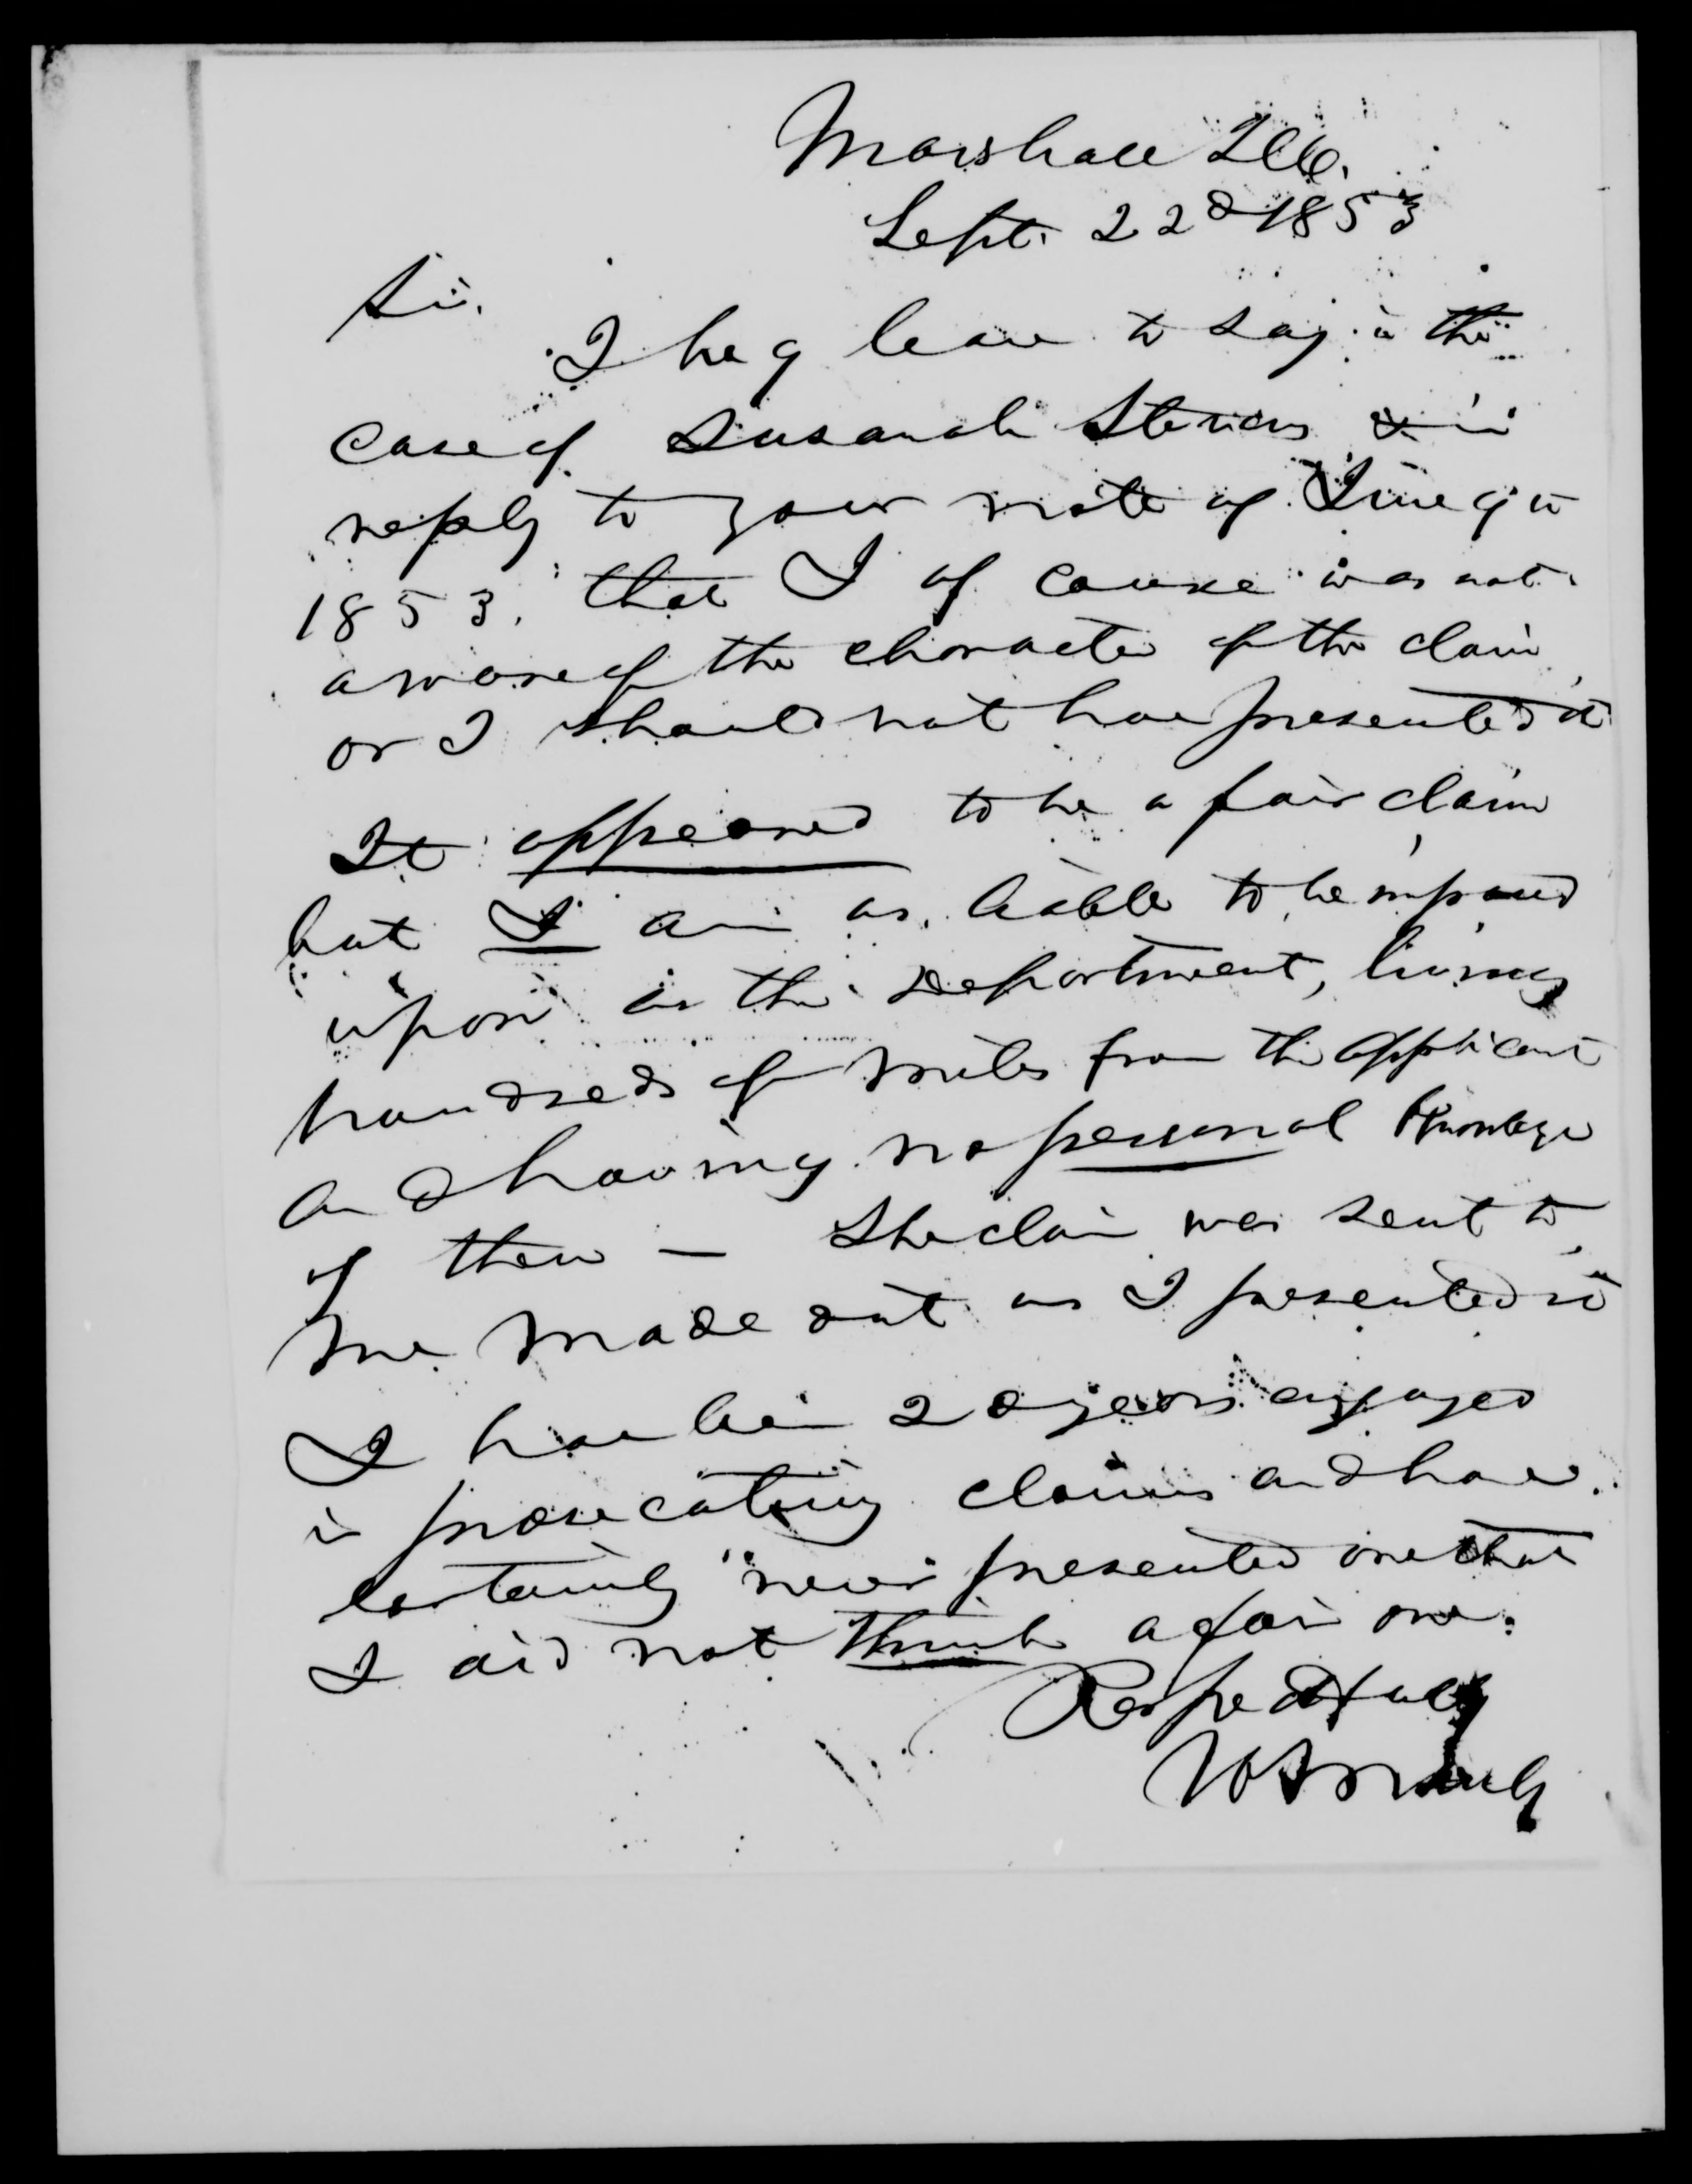Marshall L 
Sept. 22d 1853
Sir,
I beg leave to say in the case of Susanah Stevens in reply to your note of June 1853, that I of course was not aware of the character of the claim or I shall not have presented in
It appeared to be a fair claim but I am as able to be imposed upon in the Department, living hundreds of miles from the applicant and having no personal knowledge of them - The claim was sent to me made out as I presented in I herein [illegible] engaged
in provocation claims and have
[illegible] never presented one that 
I did not think a fair one.
Respectfully,
U Manly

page: 59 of 99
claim: widow's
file: W 8766, for James Stevens, Virginia